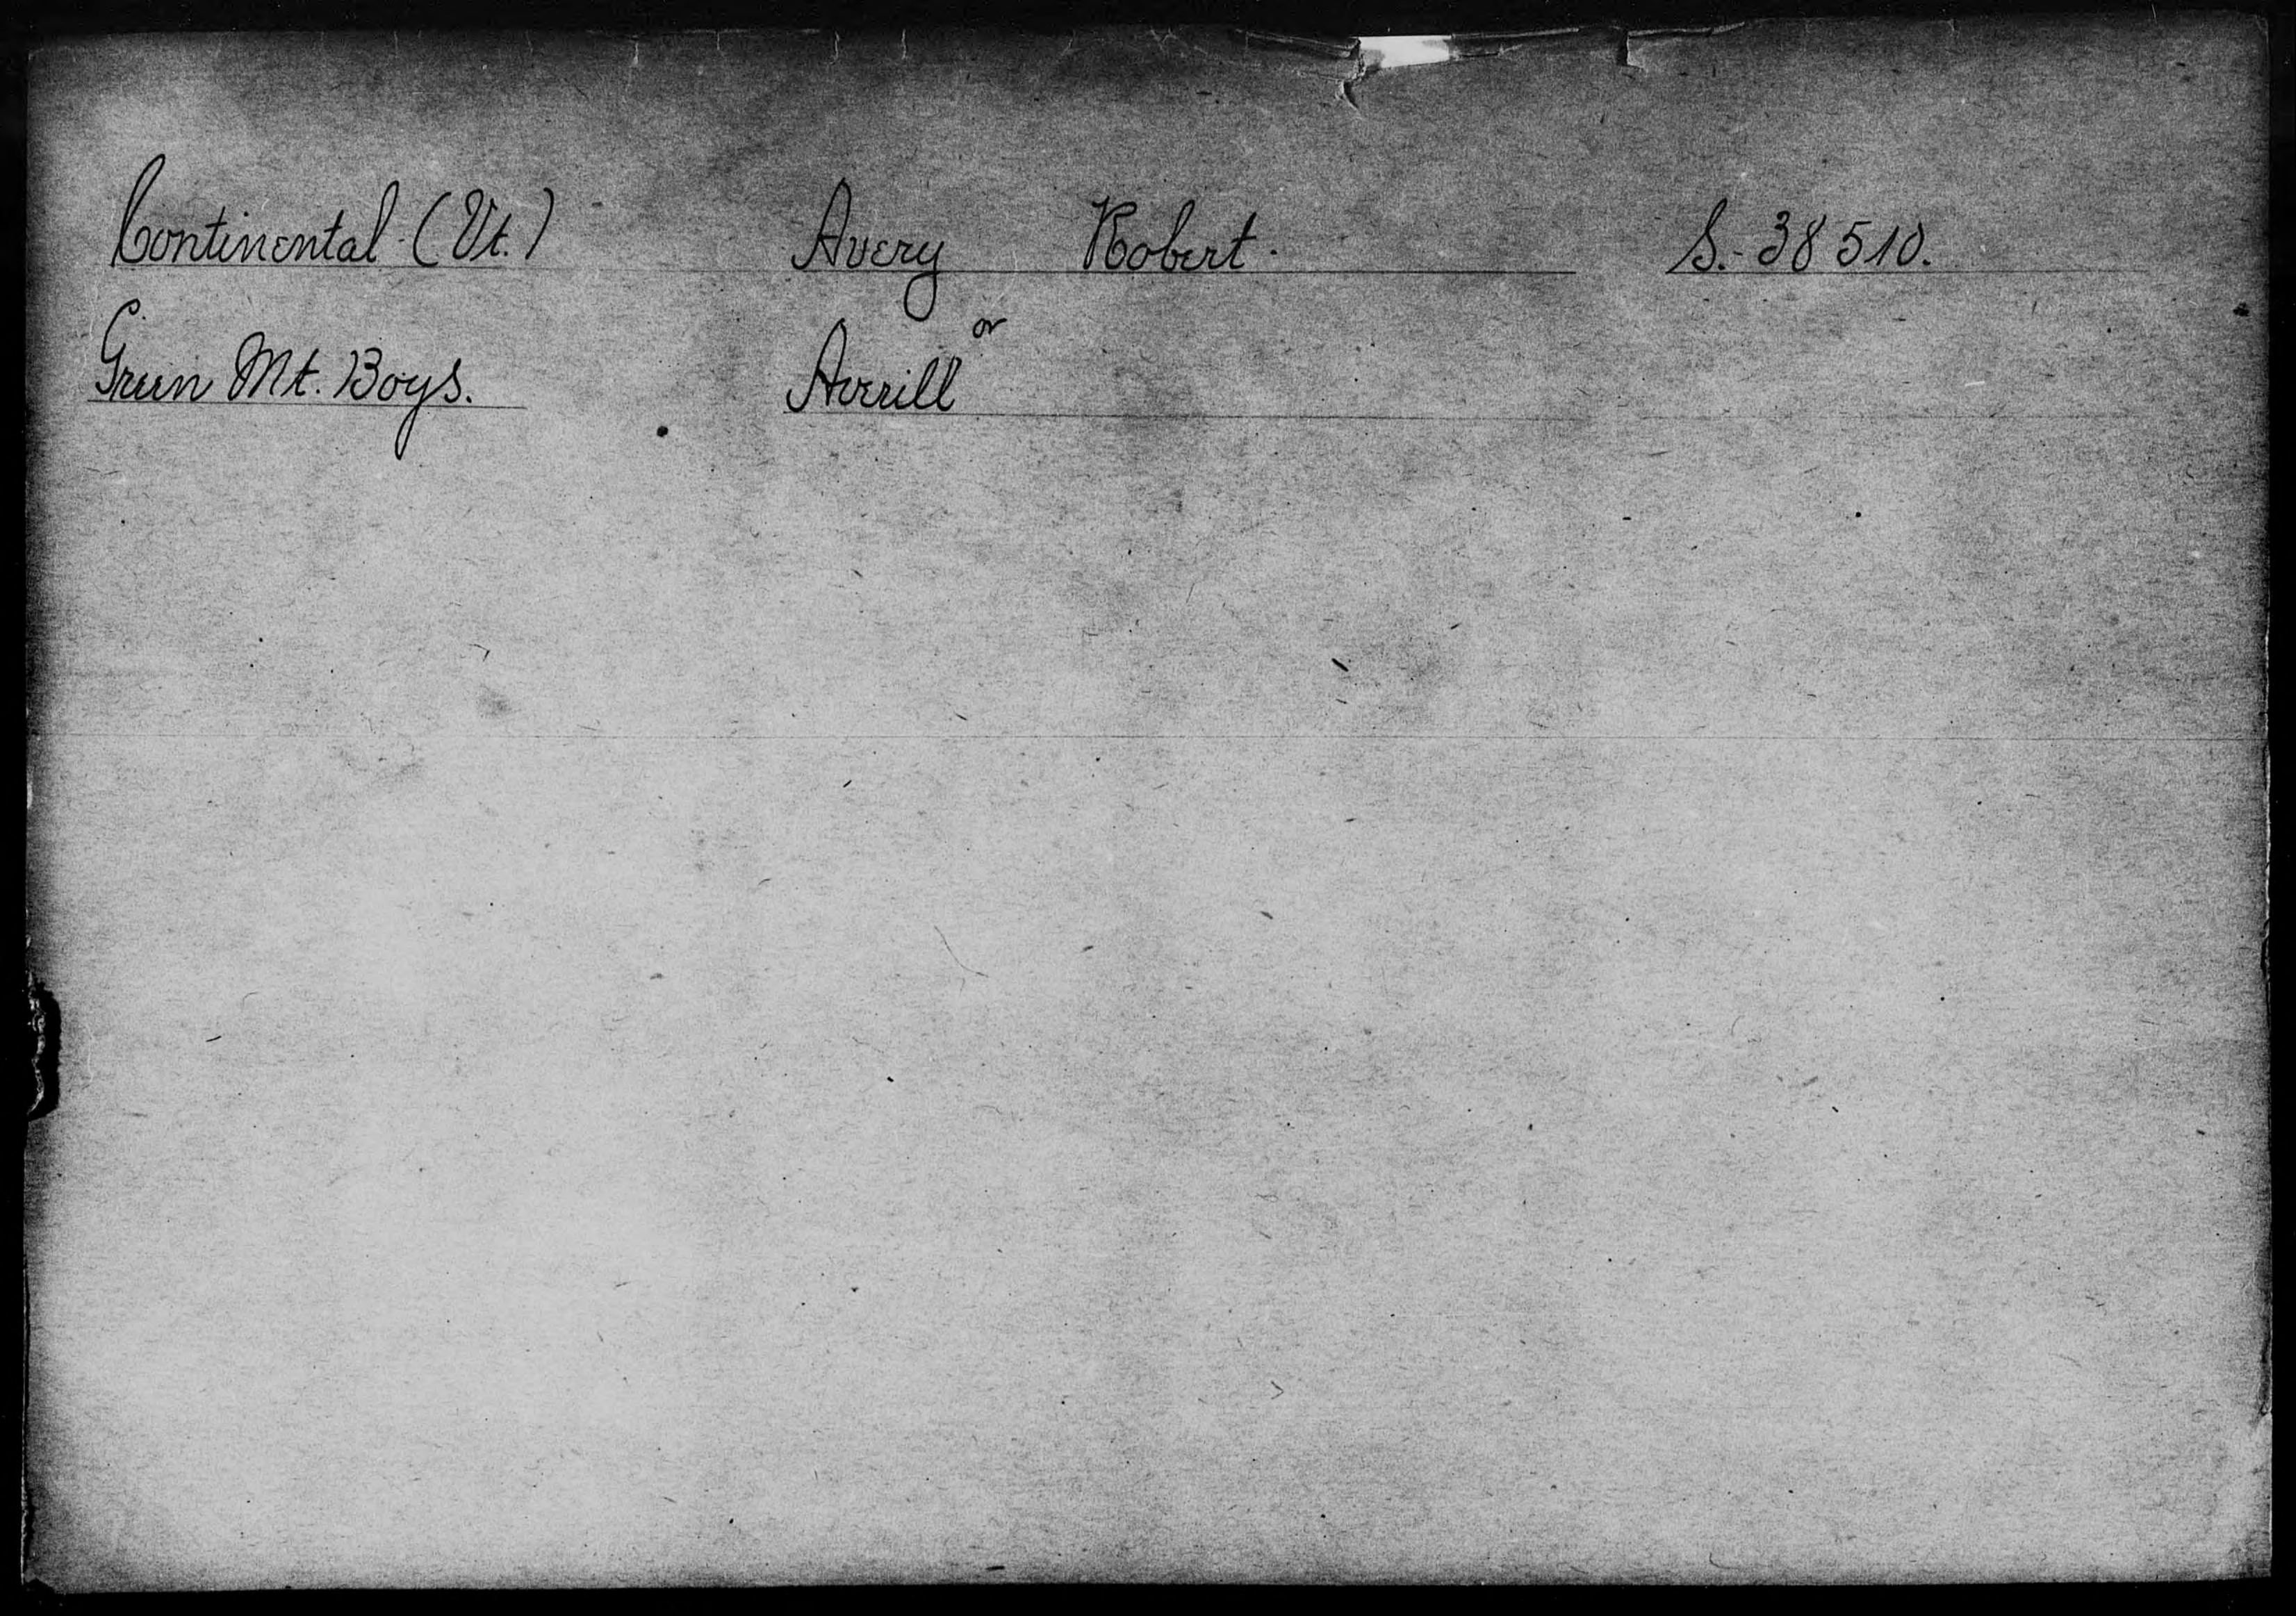Continental (Vt)
Green Mt Boys

Avery, Robert

or Averill

S.38510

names: Robert Averill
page: 1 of 1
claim: survivor's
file: S. 38510, Robert Avery, Continental (Vt.) Green Mt. Boys.